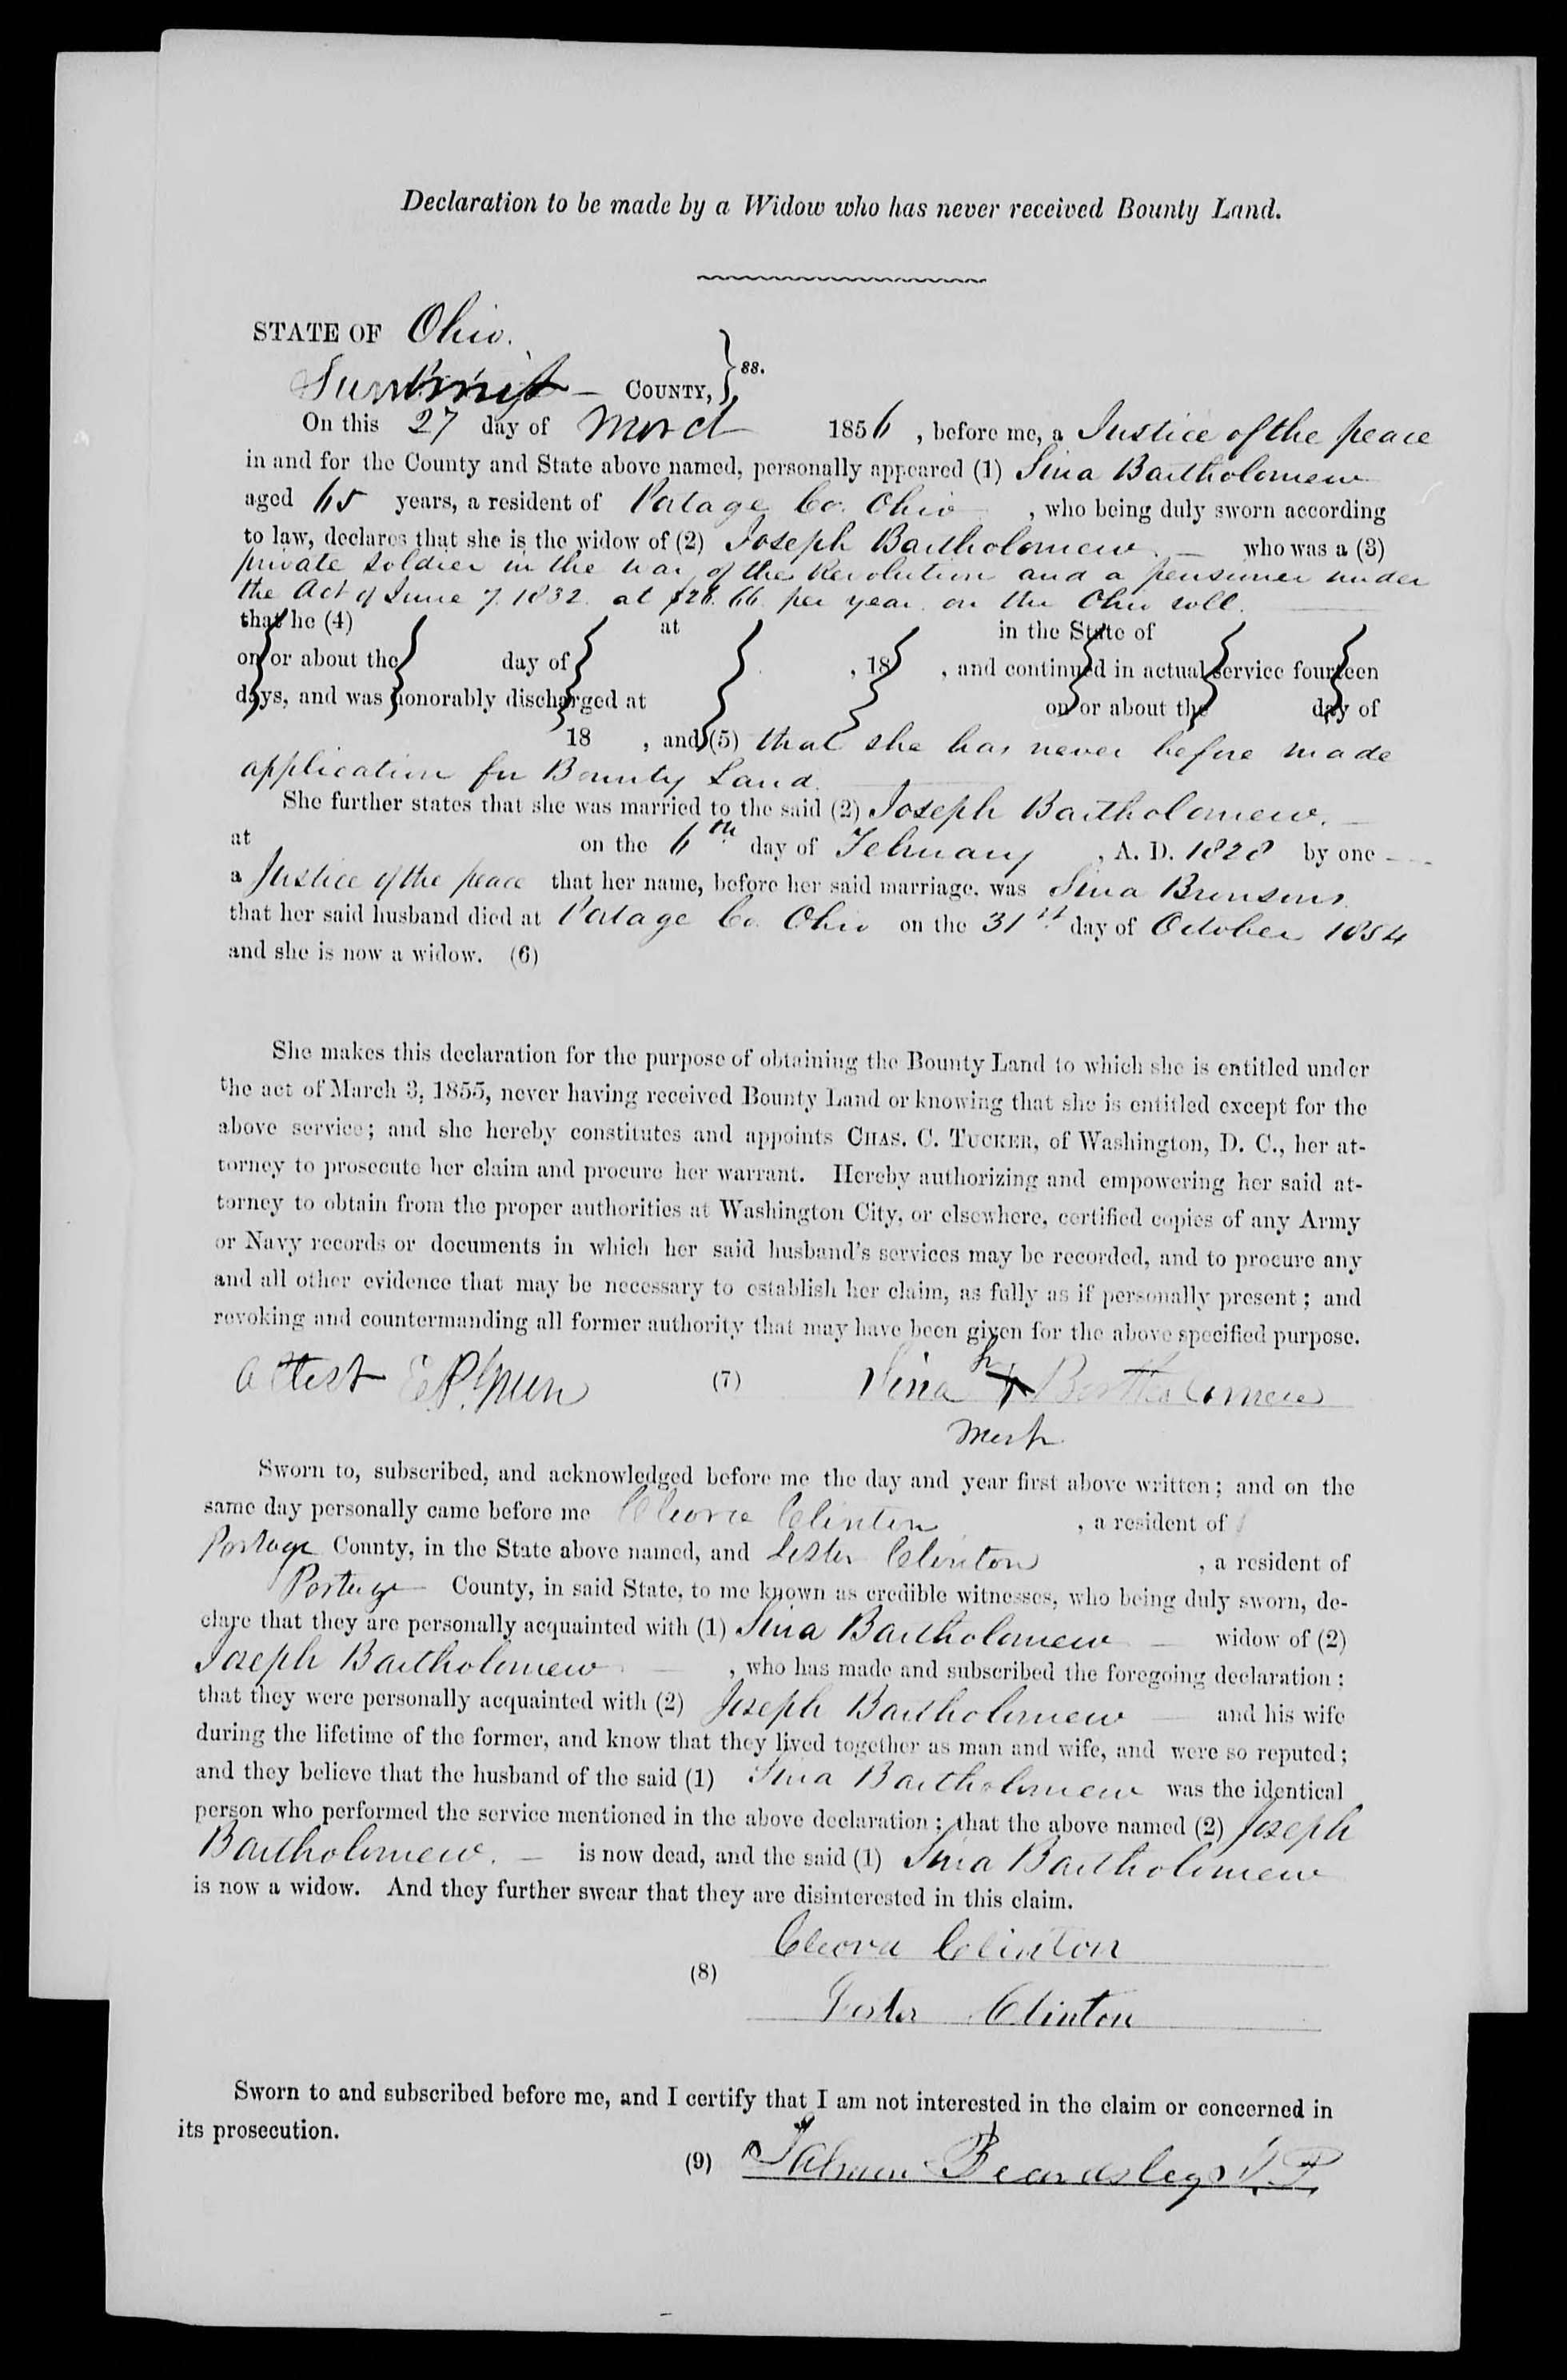Declaration to be made by a Widow who has never received Bounty Land.
---------------------
STATE OF Ohio
Summit COUNTY, ] ss.

On this 27 day of March 1856, before me, a Justice of the peace in and for the County and State above named personally appeared (1) Sina Bartholomew aged 65 years, a resident of Portage Co. Ohio, who being duly sworn according to law, declares that she is the widow of (2) Joseph Bartholomew, who was a (3) private soldier in the war of the Revolution and a pensioner under the Act of June 7, 1832, at $26.66 per year on the Ohio roll.  [point (4) is struck out, as not applicable] and (5) that she has never before made application for Bounty Land.

She further states that she was married to the said (2) Joseph Bartholomew at ________ on the 6th day of February A.D. 1828 by one___ a
Justice of the peace that her name before her said marriage was Sina Bronson -  that her said husband died at Portage Co. Ohio on the 31st day of October 1854 and she is now a widow. (6)

She makes this declaration for the purpose of obtaining the Bounty Land to which she is entitled under the act of March 3, 1855, never having received Bounty Land or knowing that she is entitled except for the above service; and she hereby constitutes and appoints CHAS. C. TUCKER, of Washington, D.C., her attorney to prosecute her claim and procure her warrant. Hereby authorizing and empowering her said attorney to obtain from the proper authorities at Washington City, or elsewhere, certified copies of any Army
or Navy records or documents in which her said husband's services may be recorded, and to procure any and all other evidence that may be necessary to establish her claim, as fully as if personally present; and revoking and countermanding all former authority that may have been given for the above specified purpose.

Attest E.P.  Green (7)
[signed] Sina Bartholomew Her Mark

Sworn to, subscribed, and acknowledged before me the day and year first above written; and on the same day personally came before me Cleora Clinton, a resident of Portage County, in the State above named, and Lester Clinton, a resident of Portage County, in said State, to me known as credible witnesses, who being duly sworn, declare that they are personally acquainted with (1) Sina Bartholomew - widow of (2) Joseph Bartholomew - who has made and subscribed the foregoing declaration; that they were personally acquainted with (2) Joseph Bartholomew and his wife
during the lifetime of the former, and know that they lived together as man and wife, and were so reputed; and they believe that the husband of the said (1) Sina Bartholomew was the identical person who performed the service mentioned in the above declaration; that the above named (2) Joseph Bartholomew is now dead, and the said (1) Sina Bartholomew is now a widow. And they further swear that they are disinterested in this claim.

(8) Cleora Clinton [signature]
Lester Clinton [signature]

Sworn to and subscribed before me, and I certify that I am not interested in the claim or concerned in its prosecution.

(9) Salmon Beardsley, J.P.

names: Joseph Bartholemew, Sina Bartholemew, Cleora Clinton, Salmon Beardsley, Cleora Clinton, Lester Clinton, E P Green, Joseph Bartholemew, Sina Bartholemew, Sina Bartholomew, Sina Bartholomew, Lester Clinton, Sina Bronsons, Joseph Bartholomew, Joseph Bartholemew, Joseph Bartholomew, Sina Bartholomew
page: 16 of 76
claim: widow's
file: W. 9345, Joseph Bartholomew, Conn.